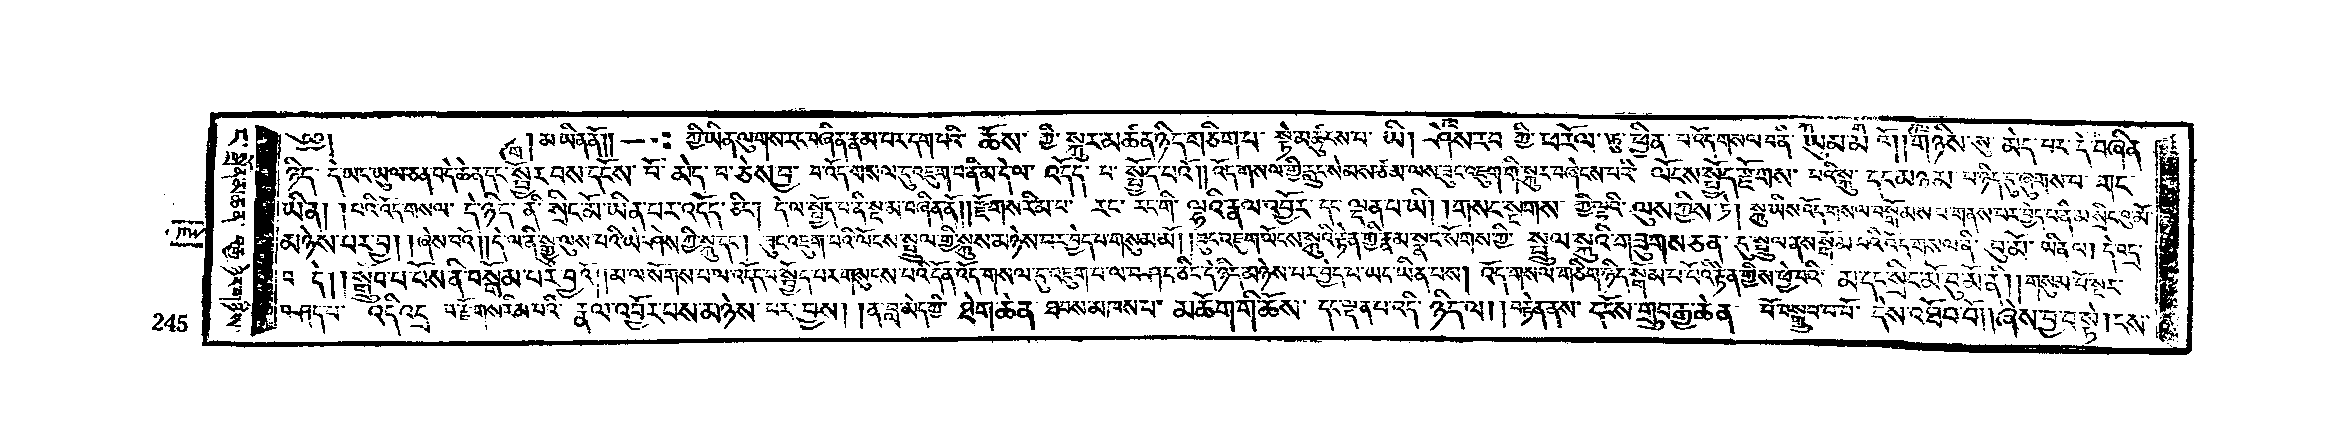༄༅། །མ་ཡིན་ནོ།།.H ཀྱི་ཡིན་ལུགས་རང་བཞིན་རྣམ་པར་དག་པའི་ཆོས་ཀྱི་སྐུར་མཚན་ཉིད་གཅིག་པ་སྟེ་མཚུངས་པ་ཡི། ཁ་ཤེས་རབ་ཀྱི་ཕ་རོལ་ཏུ་ཕྱིན་པ་འོད་གསལ་བ་ནི་ཀ་ཡུམ་ག་མའོ། ། ?ཁ་གཉིས་སུ་མེད་པར་དེ་?ཀ་བཞིན་
ཉིད་དེ་ཡང་ཡུལ་ཅན་བདེ་ཆེན་དང་?ག་སྦྱོར་བས་དངོས་པོ་མེད་པ་ཅེས་བྱ་བ་འོད་གསལ་དུ་འཇུག་པ་ནི་མ་དེ་ལ་འདོད་པ་སྤྱོད་པའོ། ། འོད་གསལ་གྱི་རླུང་སེམས་ཙམ་ལས་ཟུང་འཇུག་གི་སྐུར་བཞེངས་པའི་ལོངས་སྤྱོད་རྫོགས་པའི་སྐུ་དང་མཉམ་པ་ཉིད་དུ་ཞུགས་པ་གང་
ཡིན། ། པའི་འོད་གསལ་དེ་ཉིད་ནི་སྲིང་མོ་ཡིན་པར་འདོད་ཅིང་། དེ་ལ་སྤྱོད་པ་ནི་སྔ་མ་བཞིན་ནོ། །རྫོགས་རིམ་པ་རང་རང་གི་ལྷའི་རྣལ་འབྱོར་དང་ལྡན་པ་ཡི། །གསང་སྔགས་ཀྱི་ལྷའི་ལུས་ཀྱིས་ཏེ། སྐུ་ཡིས་འོད་གསལ་བསྒོམས་པ་གནས་པར་བྱེད་པ་ནི་མ་སྲིང་བུ་མོ
མཉེས་པར་བྱ། ། ཞེས་པའོ། །དེ་ལ་ནི་སྒྱུ་ལུས་པའི་ཡེ་ཤེས་ཀྱི་སྐུ་དང་། ཟུང་འཇུག་པའི་ལོངས་སྤྲུལ་གྱི་སྐུས་མཉེས་པར་བྱེད་པ་གསུམ་མོ། །ཟུང་འཇུག་ལོངས་སྐུའི་རྟེན་གྱི་རྣམ་སྣང་སོགས་ཀྱི་སྤྲུལ་སྐུའི་གཟུགས་ཅན་དུ་སྤྲུལ་ནས་སྒོམ་པའི་འོད་གསལ་ནི་བུ་མོ་ཡིན་ལ། དེ་འདྲ་
བ་དེ། །སྒྲུབ་པ་པོས་ནི་བསྒོམ་པར་བྱའོ། ། མ་ལ་སོགས་པ་ལ་འདོད་པ་སྤྱོད་པར་གསུངས་པའི་དོན་འོད་གསལ་དུ་འཇུག་པ་ལ་བཤད་ཅིང་དེ་ཉིད་མཉེས་པར་བྱེད་པ་ཡང་ཡིན་པས། འོད་གསལ་གཅིག་ཉིད་སྒོམ་པ་པོའི་རྟེན་གྱིས་ཕྱེ་བའི་མ་དང་སྲིང་མོ་བུ་མོ་ནི། །གསུམ་པོ་སྔར་
བཤད་པ་འདི་འདྲ་བ་རྫོགས་རིམ་པའི་རྣལ་འབྱོར་པས་མཉེས་པར་བྱས། ། ན་བླ་མེད་ཀྱི་ཐེག་ཆེན་ཐབས་མཁས་པ་མཆོག་གི་ཆོས་དང་ལྡན་པ་འདི་ཉིད་ལ། ། བརྟེན་ནས་དངོས་གྲུབ་རྒྱ་ཆེན་པོ་བསྒྲུབ་པ་པོ་དེས་འཐོབ་བོ། །ཞེས་བྱ་བ་སྟེ། ངས་